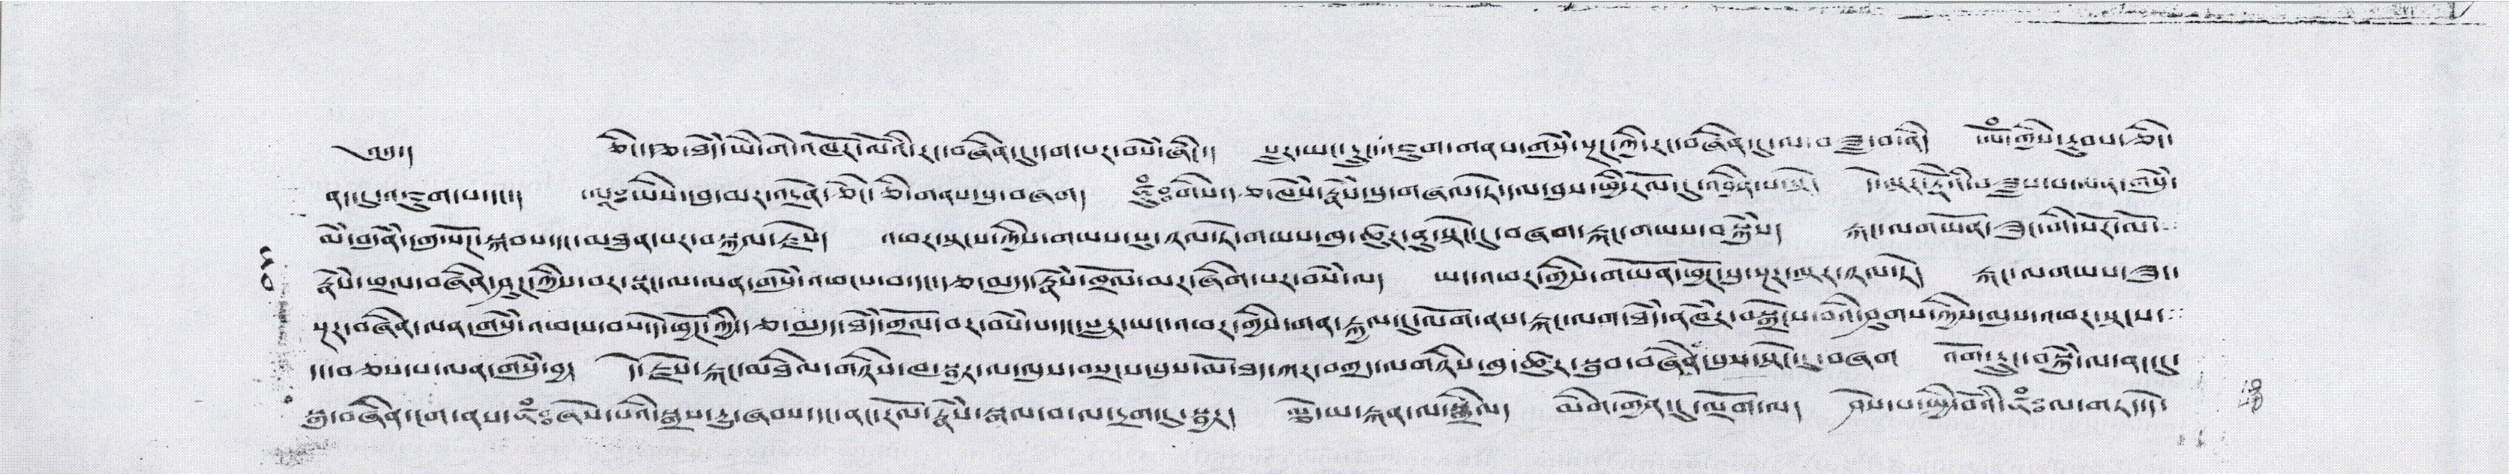ཅིང་རྩ་ཐམས་ཅད་ཡི་གེ་འཁོར་ལོའི་རང་བཞིན་དུ་དག་པར་བསམ་ཞིང་། སླར་ཡང་རླུང་འཇུག་གནས་གསུམ་སྔགས་ཀྱི་རང་བཞིན་དུ་ལ་བཟླ་བ་ནི། ཨོཾཿགྱིས་རྔུབ་ཅིང་
ནང་དུ་འཇུག་པ་དང་། ཨཱཿཡིས་དབུ་མར་འདྲེན་ཅིང་ཅི་ནུས་སུ་བཞག ཧཱུཾཿགིས་རྩ་ཁམས་རྣམས་སུ་གཞལ་ཏེ་དལ་བུས་ཕྱི་རོལ་ཏུ་འབྱིན་པ་སྟེ། དེ་ལྟར་རྡོ་རྗེའི་བཟླས་པ་ལན་གསུམ་
མམ་བདུན་ནམ་དགུ་སོགས་སྐབས་དང་མཐུན་པར་བསྐྱལ་རྗེས་འཕར་སྟངས་ཀྱིས་གཡས་སུ་ཉལ་ཏེ་གཡས་ཁུ་ཚུར་ནུ་སྟེང་དུ་བཞག རྐང་གཡས་བསྐུམས། རྐང་ལག་གཡོན་ཟུང་གི་སོར་མོ་
རྣམས་ཕྲལ་བཞིན་ཤུགས་ཀྱིས་བར་སྣང་ལ་ལན་གསུམ་འཕངས་པ་དང་རྩ་མདུད་རྣམས་ཁྲོལ་མར་ཞིག་པར་བསམ་ལ། ཡང་འཕར་གྱིས་གཡོན་ཕྱོགས་སུ་སྔར་ལྟར་ཉལ་ཏེ། རྐང་ལག་གཡས་ཟུང་
སྔར་བཞིན་ལན་གསུམ་འཕངས་པས་དེ་ཕྱོགས་ཀྱི་རྩ་མདུད་ཐམས་ཅད་གྲོལ་བར་བསམ་པ་དང་སླར་ཡང་འཕར་གྱིས་གན་རྐྱལ་དུ་ལོག་ནས་རྐང་ལག་ཐམས་ཅད་ནམ་མཁར་བསྒྲེང་བའི་ཤུགས་ཀྱིས་ལུས་འཕར་སྟངས་
དང་བཅས་པ་ལན་གསུམ་བྱ། དེ་རྗེས་རྐང་མཐིལ་གཉིས་ཁ་སྦྱར་ལ་ལུས་བསྲང་། པུས་མོ་ཐད་ཀར་བགྲད་ལ་ལག་གཉིས་ཁུ་ཚུར་སྦུབ་བཞིན་པུས་སྟེང་དུ་བཞག འོག་རླུང་བསྐུམ་ལ་ནང་དུ་
སྒུ་བཞིན་ངག་ནས་ཧཾཿཞེས་པའི་སྒྲས་སྒྱུ་ཞབས་དང་ནང་རོལ་རྣམས་སྒལ་པ་ལ་དྲག་ཏུ་སྦྱར། ལྕེ་རྐན་ལ་སྒྲིལ། མིག་གྱེན་དུ་ལྡོག་ལ། ཤེས་པ་སྤྱི་བོའི་ཧཾཿལ་གཏད་དེ་